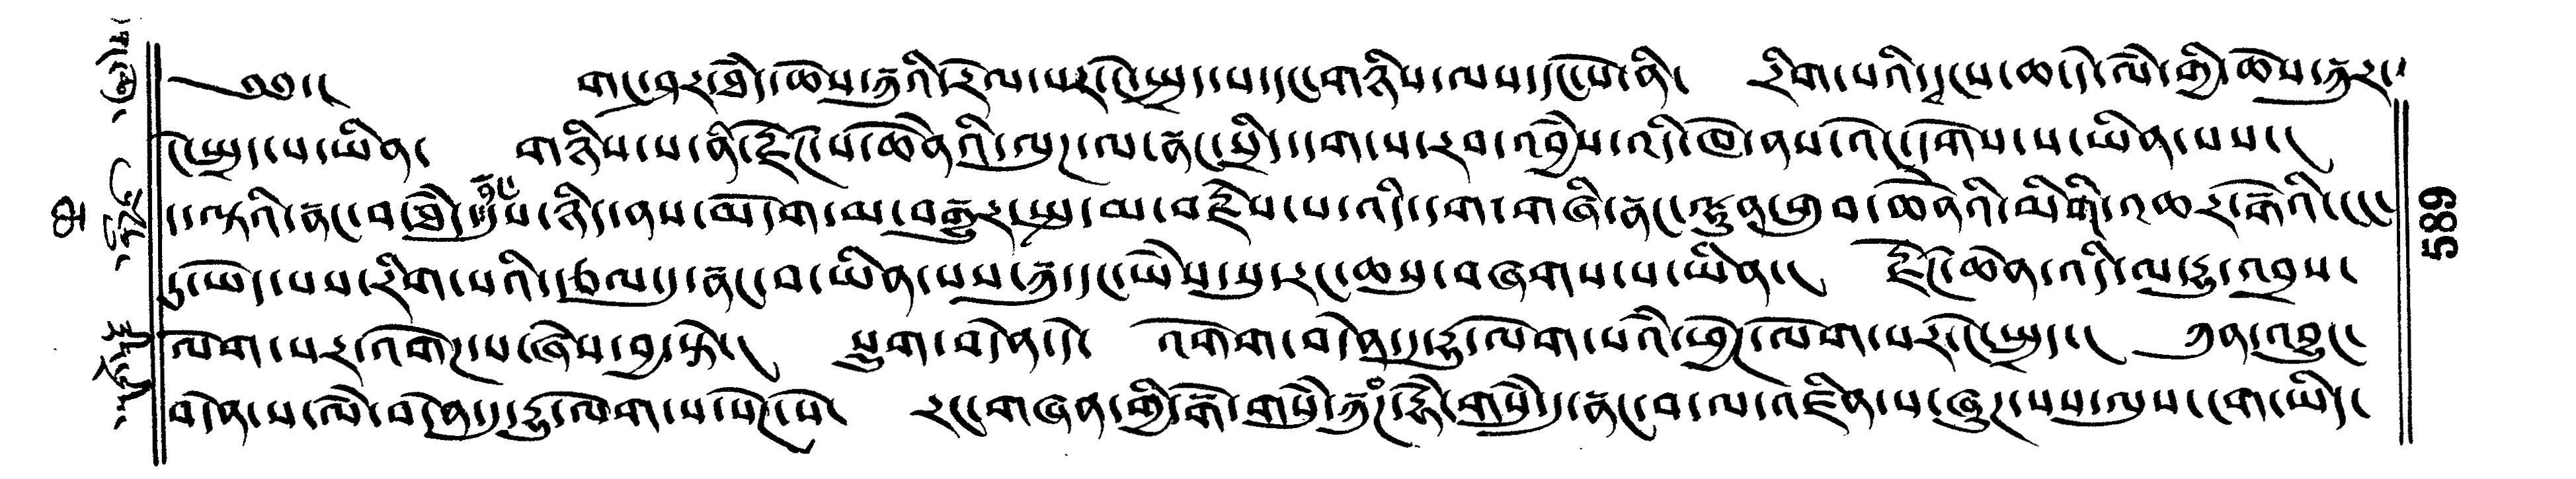གང་ཤར་ཐམས་ཅད་ཆོས་སྐུའི་རོལ་པར་ངོ་སྤྲོད་པ་དང་གཉིས་ལས། དང་པོ་ནི། རིག་པའི་དྭངས་ཆ་དེ་ལམ་གྱི་ཆོས་སྐུར་
ངོ་སྤྲོད་པ་ཡིན། གཉིས་པ་ནི་རྫོགས་པ་ཆེན་པོའི་ལུགས་ལ་སྣང་སྲིད་དག་པ་རབ་འབྱམས་འདི་ཁོ་ནས་འོང་དགོས་པ་ཡིན་པས།
ད་ལྟའི་སྣང་བ་ཐམས་ཅད་སྣང་དུས་ཉིད་ནས་མདོག་མ་འགྱུར་སྤུ་མ་བརྗེས་པ་འདི་དག་གཞི་སྣང་ལྷུན་གྲུབ་ཆེན་པོ་མིག་གི་འཆར་སྒོའི་ངང་
དུ་ཡོད་པས་རིག་པའི་རྩལ་དུ་སྣང་བ་ཡིན་པས་སྐུ་དང་ཡེ་ཤེས་སུ་རང་ཆས་སུ་བཞུགས་པ་ཡིན། རྫོགས་ཆེན་འདི་ལ་རྒྱུ་འབྲས་
ལོག་པར་འགོག་པ་ཞེས་བྱ་སྟེ། སྡུག་བདེན་ཏེ། འགོག་བདེན་དུ་རྒྱུ་ལོག་པའམ་ཕྱོགས་ལོག་པར་ངོ་སྤྲད། ཀུན་འབྱུང་ལོག་པར་འགོག་པ་ཞེས་བྱ་སྟེ། སྡུག་བདེན་དེ། འགོག་བདེན་དུ་རྒྱུ་ལོག་པའམ་ཕྱོགས་ལོག་པར་ངོ་སྤྲད། ཀུན་འབྱུང་
བདེན་པ་ལམ་བདེན་དུ་རྒྱུ་ལོག་པ་སོགས་སོ། རང་གཞན་གྱི་སྒོ་གསུམ་སྐུ་གསུང་ཐུགས་རྡོ་རྗེ་གསུམ་དུ་སྣང་བ་ལ་འཛིན་པ་ཞུགས་པས་ལུས་ངག་ཡིད་